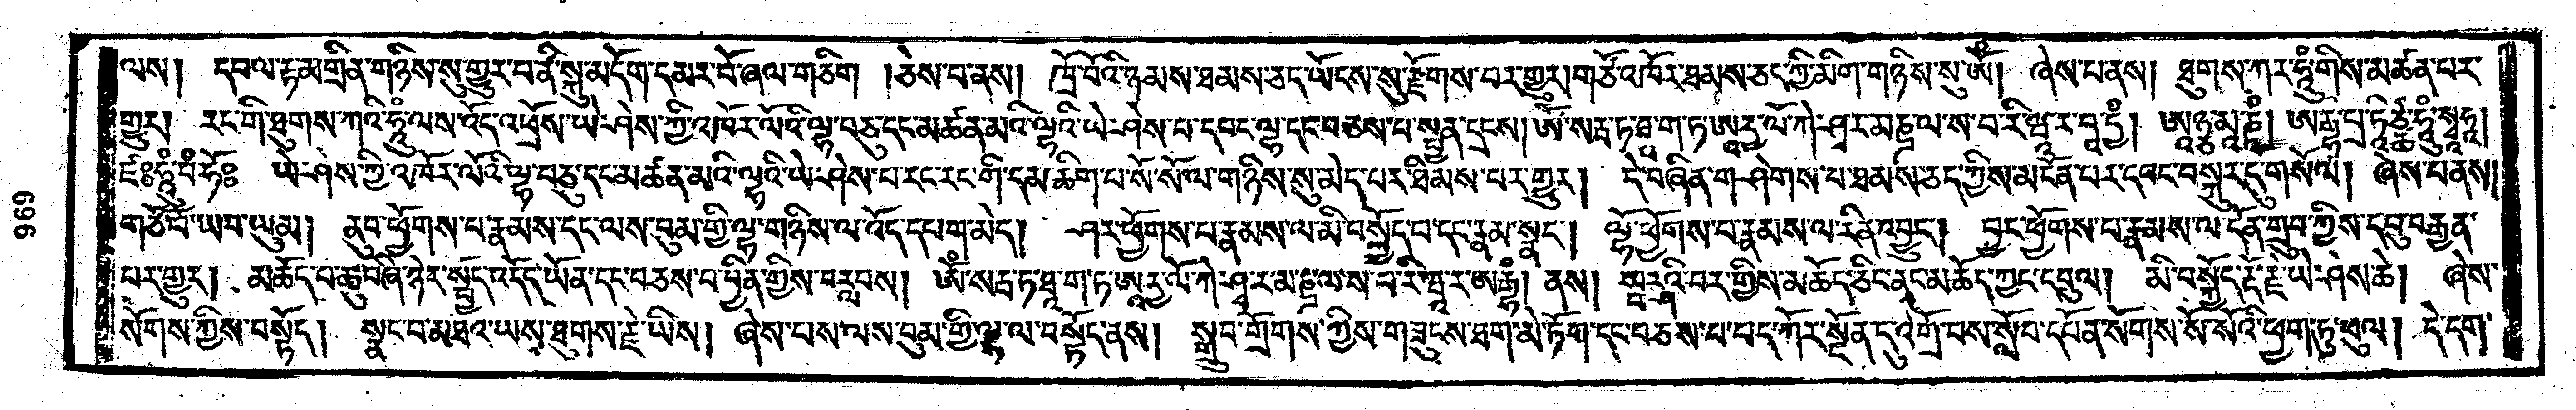ལས། དཔལ་རྟ་མགྲིན་གཉིས་སུ་གྱུར་པ་ནི་སྐུ་མདོག་དམར་པོ་ཞལ་གཅིག །ཅེས་པ་ནས། ཁྲོ་བོའི་ཉམས་ཐམས་ཅད་ཡོངས་སུ་རྫོགས་པར་གྱུར། གཙོ་འཁོར་ཐམས་ཅད་ཀྱི་མིག་གཉིས་སུ་ཨོཾ། ཞེས་པ་ནས། ཐུགས་ཀར་ཧཱུཾ་གིས་མཚན་པར་
གྱུར། རང་གི་ཐུགས་ཀའི་ཧཱུཾ་ལས་འོད་འཕྲོས་ཡེ་ཤེས་ཀྱི་འཁོར་ལོའི་ལྷ་བཅུ་དང་མཚན་མའི་ལྷའི་ཡེ་ཤེས་པ་དབང་ལྷ་དང་བཅས་པ་སྤྱན་དྲངས། ཨོཾ་སརྦ་ཏ་ཐཱ་ག་ཏ་ཨཱརྱ་ལོ་ཀེ་ཤྭ་ར་མཎྜ་ལ་ས་པ་རི་ཝཱ་ར་བཱ་དྱཾ། ཨཱཉྩ་མཱ་ཎཱཾ། ཨརྒྷ་པྲ་ཏཱིཙྪ་ཧཱུཾ་སྭཱཧཱ།
ཛཿཧཱུཾ་བཾ་ཧོཿ ཡེ་ཤེས་ཀྱི་འཁོར་ལོའི་ལྷ་བཅུ་དང་མཚན་མའི་ལྷའི་ཡེ་ཤེས་པ་རང་རང་གི་དམ་ཚིག་པ་སོ་སོ་ལ་གཉིས་སུ་མེད་པར་ཐིམས་པར་གྱུར། དེ་བཞིན་གཤེགས་པ་ཐམས་ཅད་ཀྱིས་མངོན་པར་དབང་བསྐུར་དུ་གསོལ། ཞེས་པ་ནས།
གཙོ་བོ་ཡབ་ཡུམ། ནུབ་ཕྱོགས་པ་རྣམས་དང་ལས་བུམ་གྱི་ལྷ་གཉིས་ལ་འོད་དཔག་མེད། ཤར་ཕྱོགས་པ་རྣམས་ལ་མི་བསྐྱོད་པ་དང་རྣམ་སྣང་། ལྷོ་ཕྱོགས་པ་རྣམས་ལ་རིན་འབྱུང་། བྱང་ཕྱོགས་པ་རྣམས་ལ་དོན་གྲུབ་ཀྱིས་དབུ་བརྒྱན་
པར་གྱུར། མཆོད་པ་ཆུ་བཞི་ཉེར་སྤྱོད་འདོད་ཡོན་དང་བཅས་པ་བྱིན་གྱིས་བརླབས། ཨོཾ་སརྦ་ཏ་ཐཱ་ག་ཏ་ཨཱརྱ་ལོ་ཀེ་ཤྭ་ར་མཎྜ་ལ་ས་བ་རི་ཝཱ་ར་ཨརྒྷཾ། ནས། སྤ་རྴཱི་བར་གྱིས་མཆོད་ཅིང་ནང་མཆོད་ཀྱང་དབུལ། མི་བསྐྱོད་རྡོ་རྗེ་ཡེ་ཤེས་ཆེ། ཞེས་
སོགས་ཀྱིས་བསྟོད། སྣང་བ་མཐའ་ཡས་ཐུགས་རྗེ་ཡིས། ཞེས་པས་ལས་བུམ་གྱི་ལྷ་ལ་བསྟོད་ནས། སྒྲུབ་གྲོགས་ཀྱིས་གཟུངས་ཐག་མེ་ཏོག་དང་བཅས་པ་པད་ཀོར་སྔོན་དུ་འགྲོ་པས་སློབ་དཔོན་སོགས་སོ་སོའི་ཕྱག་ཏུ་ཕུལ། དེ་དག་